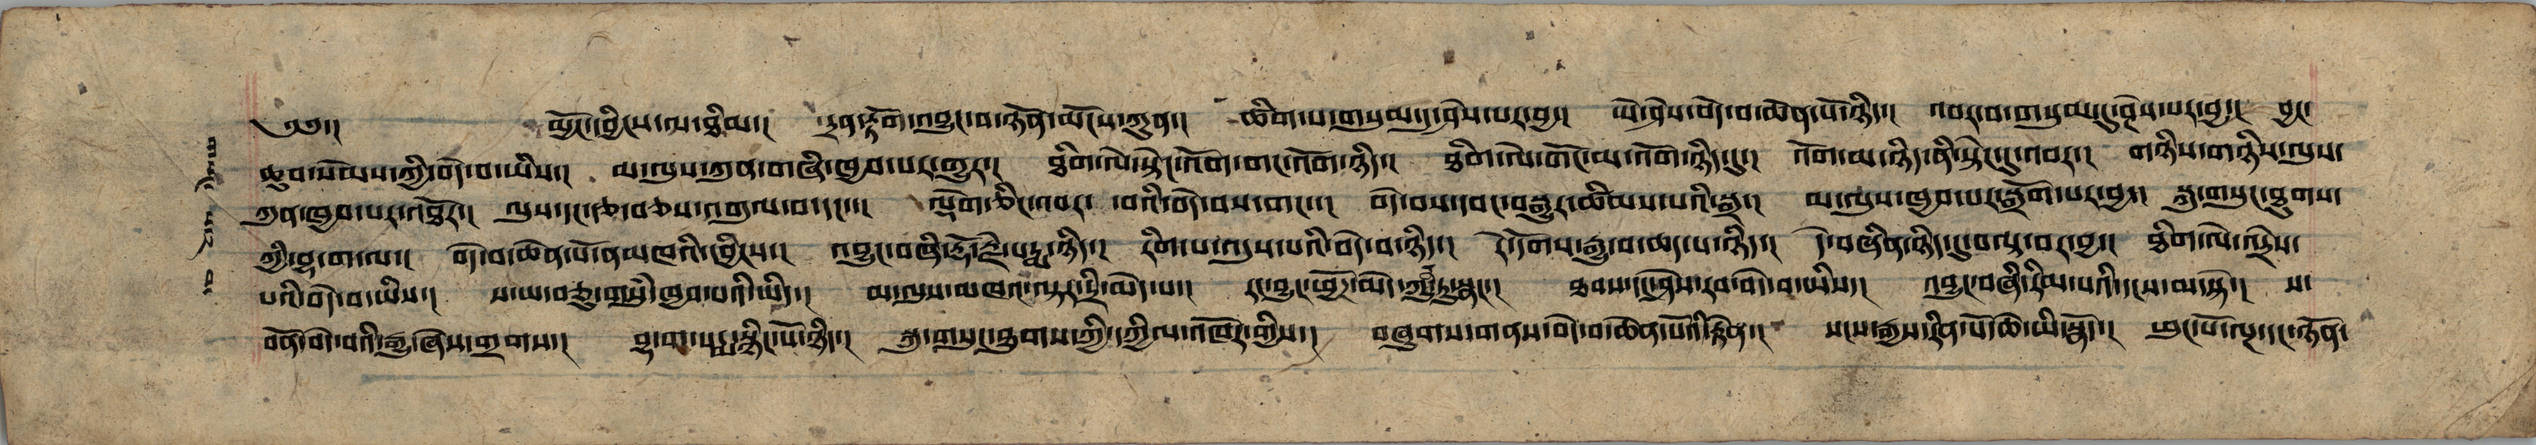༄༅་། མྱོང་དབྱིངས་ལ་ཐིམ་། དྲན་རྟོག་འབྱུང་བ་ཉོན་མོངས་ཀུན་། ཚིག་པ་གསུམ་དུ་ཤེས་པར་བྱ་། ཡེ་ཤེས་བདེ་བ་ཆེན་པོ་ཉིད་། འབར་བ་གསུམ་དུ་ཤེས་པར་བྱ་། བྱང་
ཆུབ་སེམས་ཀྱི་བདེ་བ་ཡིས་། མ་ལུས་ཀུན་གཞི་ཁྱབ་པར་གྱུར་། ཐིག་ལེ་སྟེང་འོག་གང་འོག་ཉིད་། ཐིག་ལེ་གོང་མ་འོག་ཉིད་དུ་། འོག་མ་ཉིད་ནི་སྟེང་དུ་འབར་། གཉིས་གཉིས་ལུས་
ཀུན་ཁྱབ་པར་འཐོར་། ལུས་དང་རྩ་བཅས་འགུལ་བ་དང་་། ལྡེག་ཅིང་འབར་ བའི་བདེ་བས་གང་་། བདེ་བས་དབང་བསྒྱུར་ཚིམས་པའི་སྒྲ་། མ་ལུས་ཁྱབ་པར་སྒྲོག་པར་བྱ་། སྐུ་གསུང་ཐུགས་
ཀྱིབྷ་ག་ལ་། བདེ་བ་ཆེན་པོ་ནམཁའི་དབྱིངས་། འབྱུང་བཞི་རྡོ་རྗེ་པདྨ་ཉིད་། རིག་པ་འདུས་པའི་བདེ་བ་ཉིད་། རེ་དོགས་རྒྱུ་བ་ཆད་པ་ཉིད་། དེ་བཞིན་ཉིད་དུ་བལྟ་བར་བྱ་། ཐིག་ལེ་འདྲེས་
པའི་བདེ་བ་ཡིས་། ས་ཡ་བཅུ་གསུཾ་ཁྱབ་པའི་ཡིད་། མ་ལུས་མཁའ་ལྟར་དྲི་མེད་པ་། རང་བྱུང་ཕྱོཌ་མེད་ཀུན་ཏུ་སྣང་་། ཐབས་དང་ཤེས་རབ་བདེ་བ་ཡིས་། འབྱུང་བཞི་རིམ་པའི་དངས་མ་སྟེ་། ས་
བོན་བདེ་བའི་རྒྱུ་ཞེས་གྲགས་། བྷ་ག་པདྨ་སྙིང་པོ་ཉིད་། སྐུ་གསུང་ཐུགས་ཀྱི་དཀྱིལ་འཁོར་གྱིས་། བཞུགས་གནས་བདེ་བ་ཆེན་པོའི་རྟེན་། སངས་རྒྱས་རིན་པོ་ཆེ་ཡི་སྣོད་། ཕུང་པོ་ལྔ་དང་ཉོན་